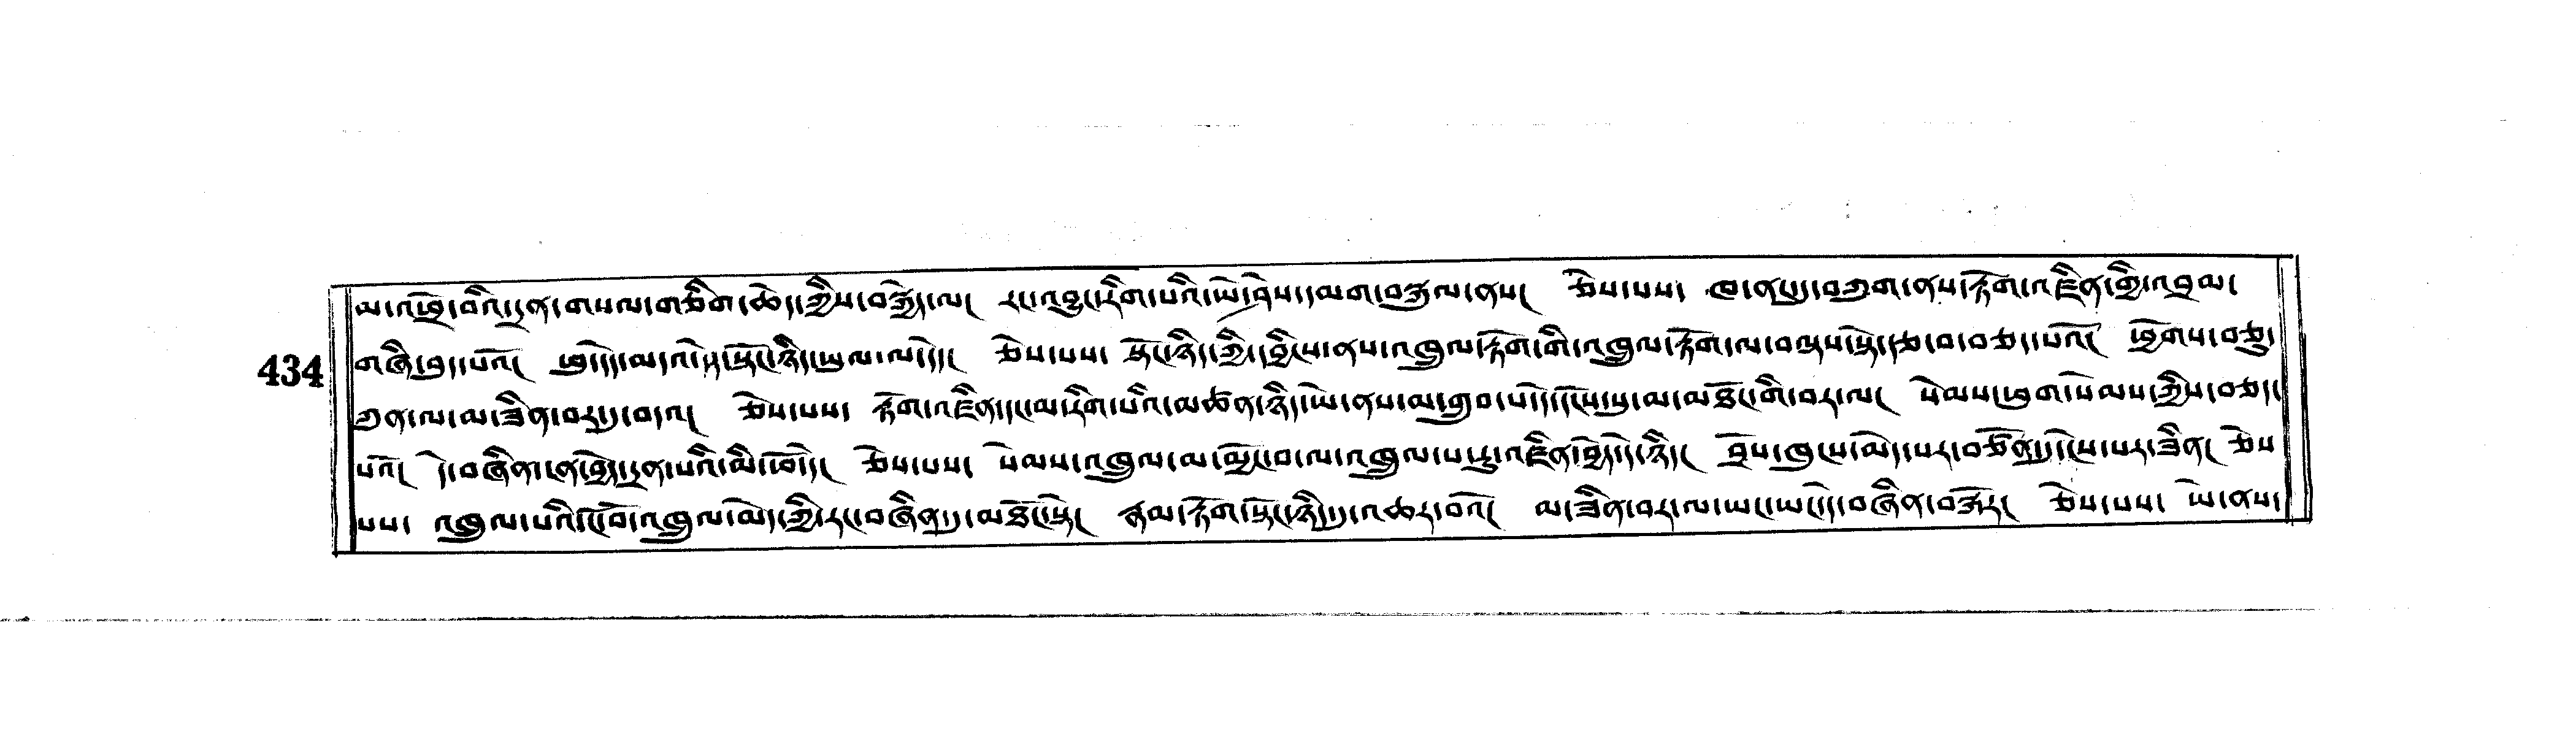མ་འཕྲོ་བའི་དྲན་གསལ་ཅིག་ཆེད་ཀྱིས་བསྐྱེད་ལ། རང་འབྱུང་རིག་པའི་ཡེ་ཤེས་དམག་བསྐུལ་ནས། ཅེས་པས། ཁ་ནང་དུ་བཀུག་ནས་རྟོག་འཛིན་གྱི་འབྲལ་
གཞི་བུད་པའོ། ཕུ་དེད་མདའ་དེད་སྟོང་ཉིད་ཡུལ་ལ་དེད། ཅེས་པས། སྟོང་ཉིད་ཀྱི་དབྱིངས་ནས་འཁྲུལ་རྟོག་གིས་འཁྲུལ་རྟོག་ལ་བལྟས་ཏེ་རྩ་བ་བཅད་པའོ། ཕྱོགས་བཅུ་
ཀུན་ལ་མ་ཟིན་བར་དུ་བདའ། ཅེས་པས། རྟོག་འཛིན་དང་མ་རིག་པའི་མཚན་ཉིད་ཡེ་ནས་མ་གྲུབ་པ་དེ་དངོས་སུ་མ་མཐོང་གི་བར་ལ། སེམས་ཕུག་སེམས་ཀྱིས་བཅད་
པའོ། དེ་བཞིན་ངན་བྱེད་དྲན་པའི་མི་ཕོ་དེ། ཅེས་པས། སེམས་འཁྲུལ་མ་མྱོང་བ་ལ་འཁྲུལ་པ་རུ་འཛིན་བྱེད་དེ་ཉིད། བྲོས་ཁུངས་མེད་པར་བཙོན་དུ་ངེས་པར་ཟིན། ཅེས་
པས། འཁྲུལ་པའི་ངོ་བོ་འཁྲུལ་མེད་ཀྱི་རང་བཞིན་དུ་མཐོང་སྟེ། རྣམ་རྟོག་སྟོང་ཉིད་དུ་འཆར་བའོ། མ་ཟིན་བར་ལ་ཡང་ཡང་དེ་བཞིན་བསྐོར། ཅེས་པས། ཡེ་ནས་